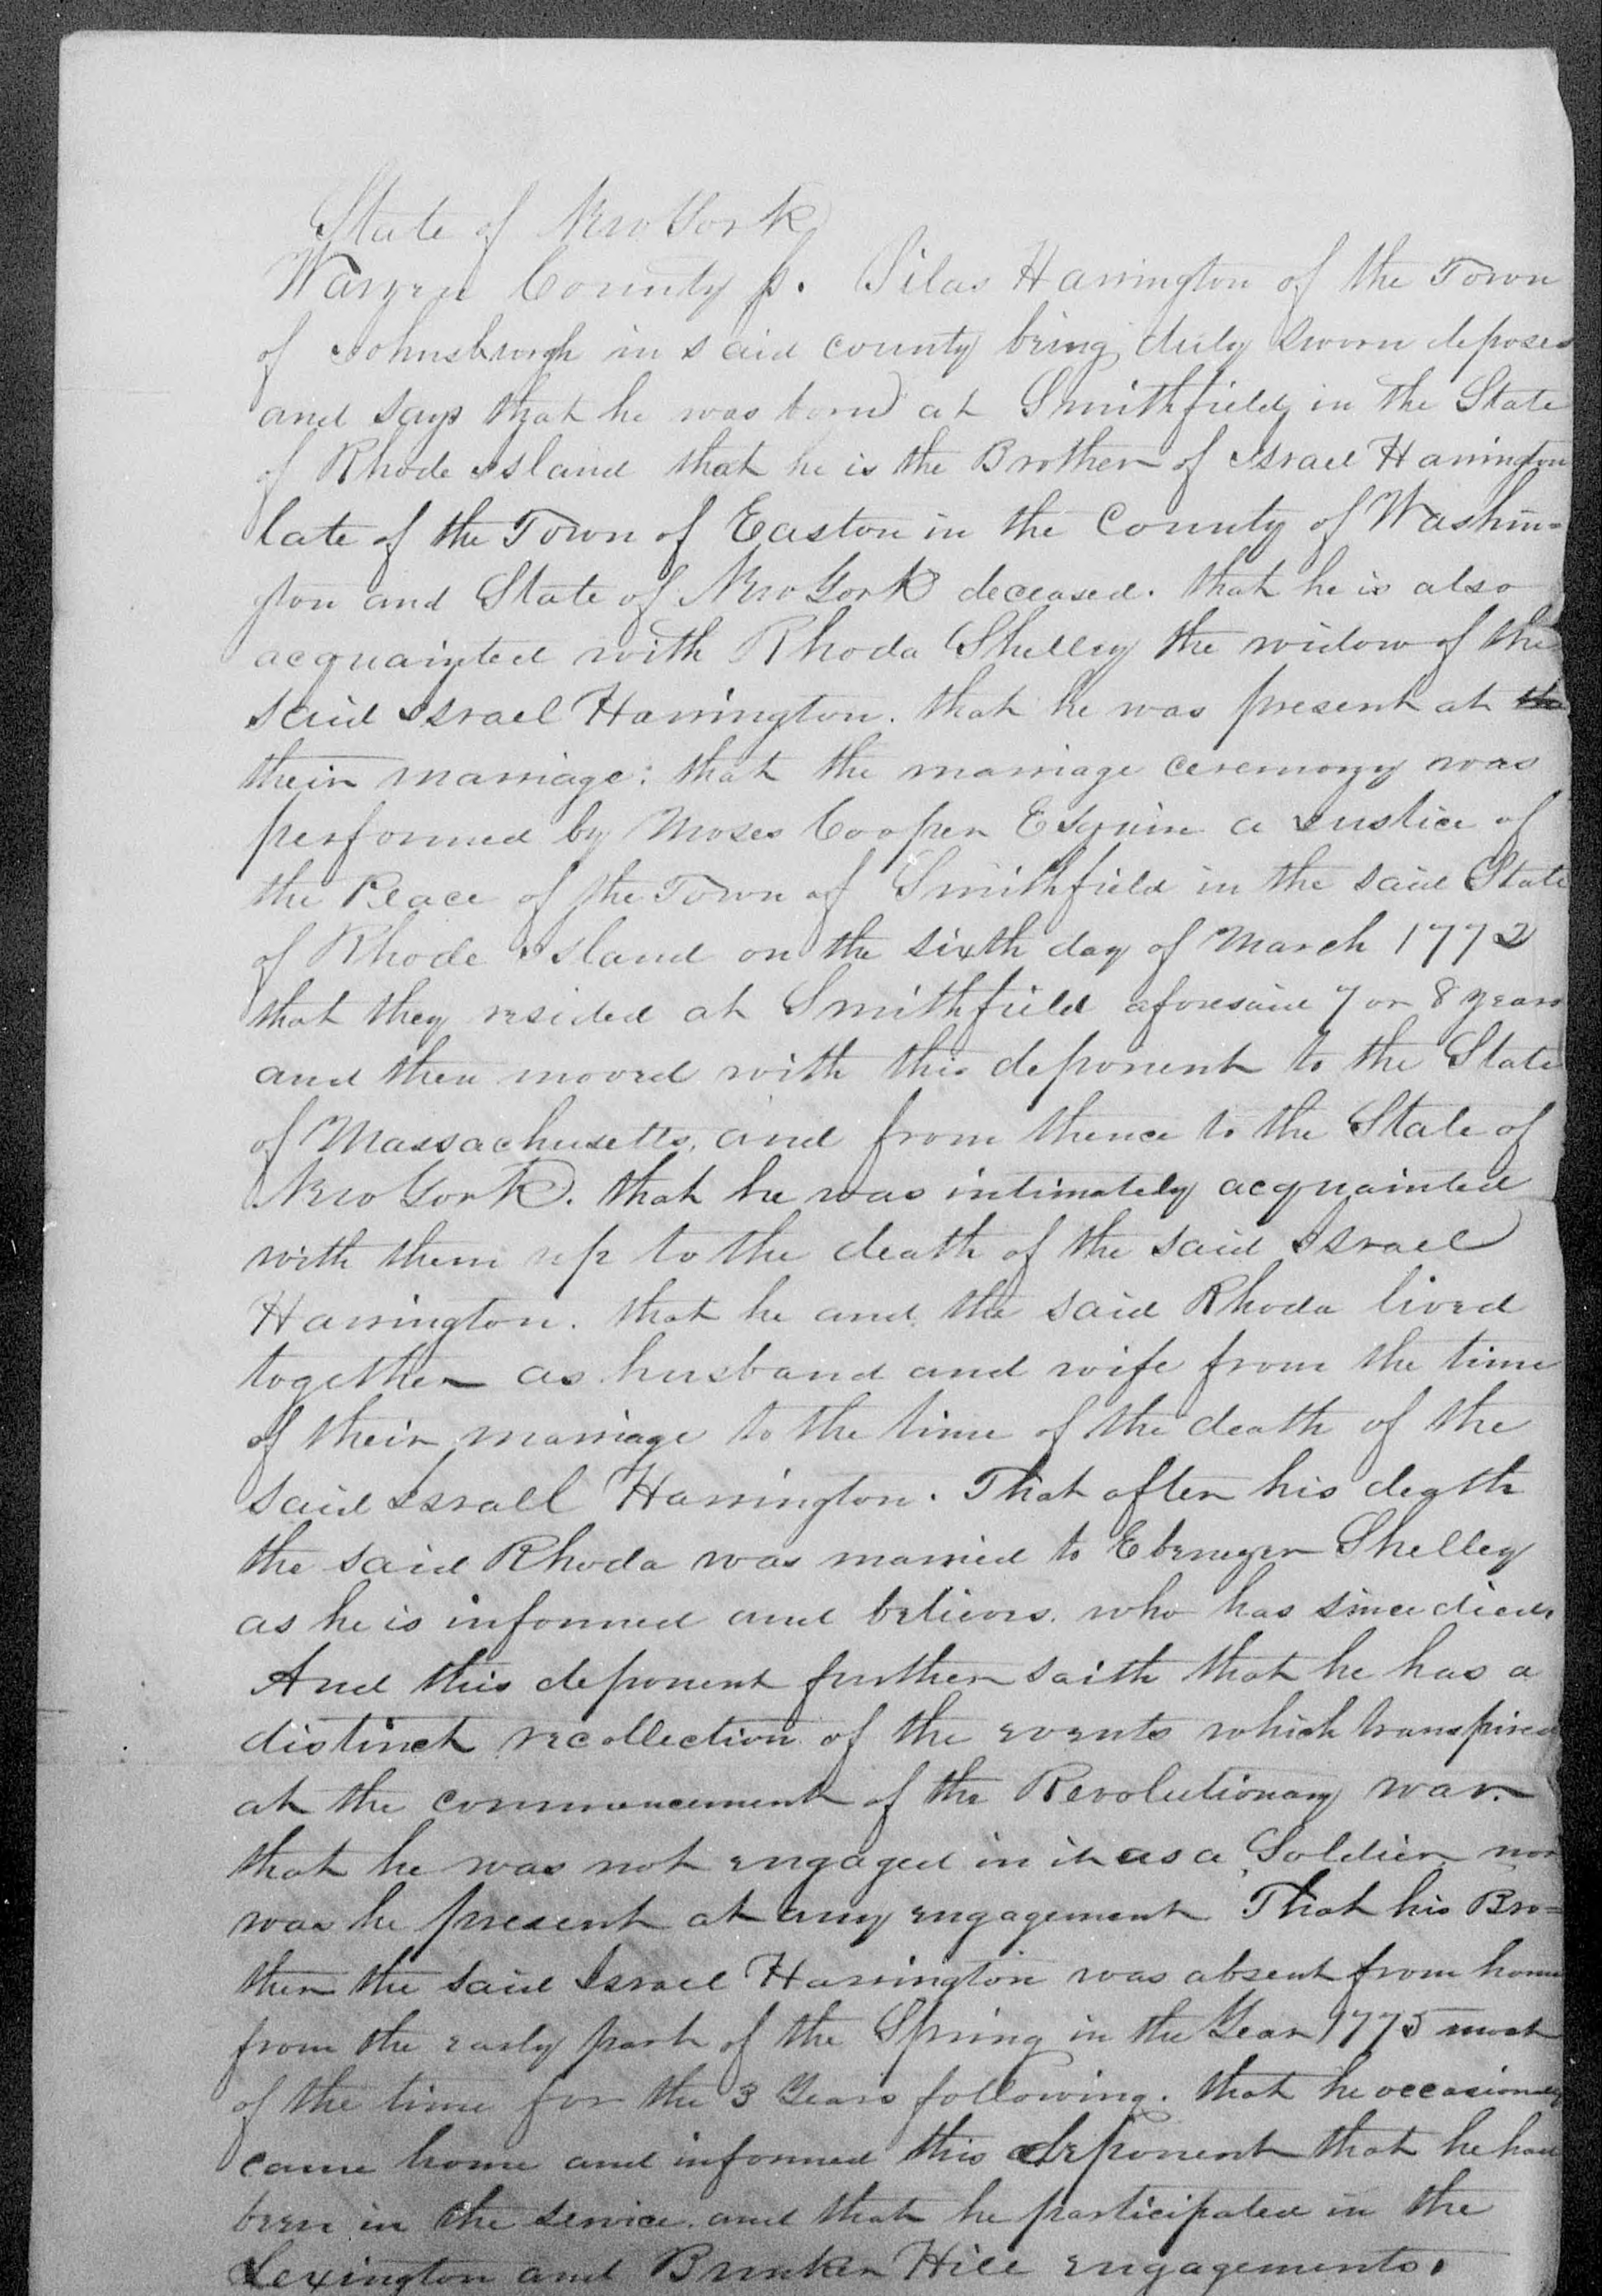State of New York
Warrin [Warren] County Ss. Silas Harrington of the Town of Johnsborgh [Johnsburg] in said county being duly sworn deposes and says that he was born at Smithfield in the State of Rhode Island that he is the Brother of Israel Harrington late of the Town of Easton in the County of Washington and State of New York deceased. that he is also acquainted with Rhoda Shelley the widow of the said Israel Harrington. that he was present at their marriage: that the marriage ceremony was performed by Moses Cooper Esquire a Justice of the Peace of the Town of Smithfield in the said State of Rhode Island on the sixth day of March 1772 that they resided at Smithfield aforesaid 7 or 8 years and then moved with this deponent to the State of Massachusetts, and from thence to the State of New York. that he was intimately acquainted with them up to the death of the said Israel Harrington. that he and the said Rhoda lived together as husband and wife from the time of their marriage to the time of the death of the said Israel Harrington. That after his death the said Rhoda was married to Ebenezer Shelley as he is informed and believes, who has since died.

And this deponent further saith that he has a distinct recollection of the events which transpired at the commencement of Revolutionary war, that he was not engaged in it as a Soldier nor was he present at any engagement. That his Brother the said Israel Harrington was absent from home from the early part of the Spring in the Year 1775 much of the time for the 3 Years following. that he occasionally came home and informed this deponent that he had been in the service, and that he participated in the Lexington and Bunker Hill engagements.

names: Israel Harrington, Rhoda, Ebenezer Shelley, Rhoda Shelley, Moses Cooper, Israel Harrington, Israel Harrington, Rhoda, Israel Harrington, Silas Harrington, Israel Harrington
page: 9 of 51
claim: widow's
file: W. 19,026, Israel Harrington, R.I.